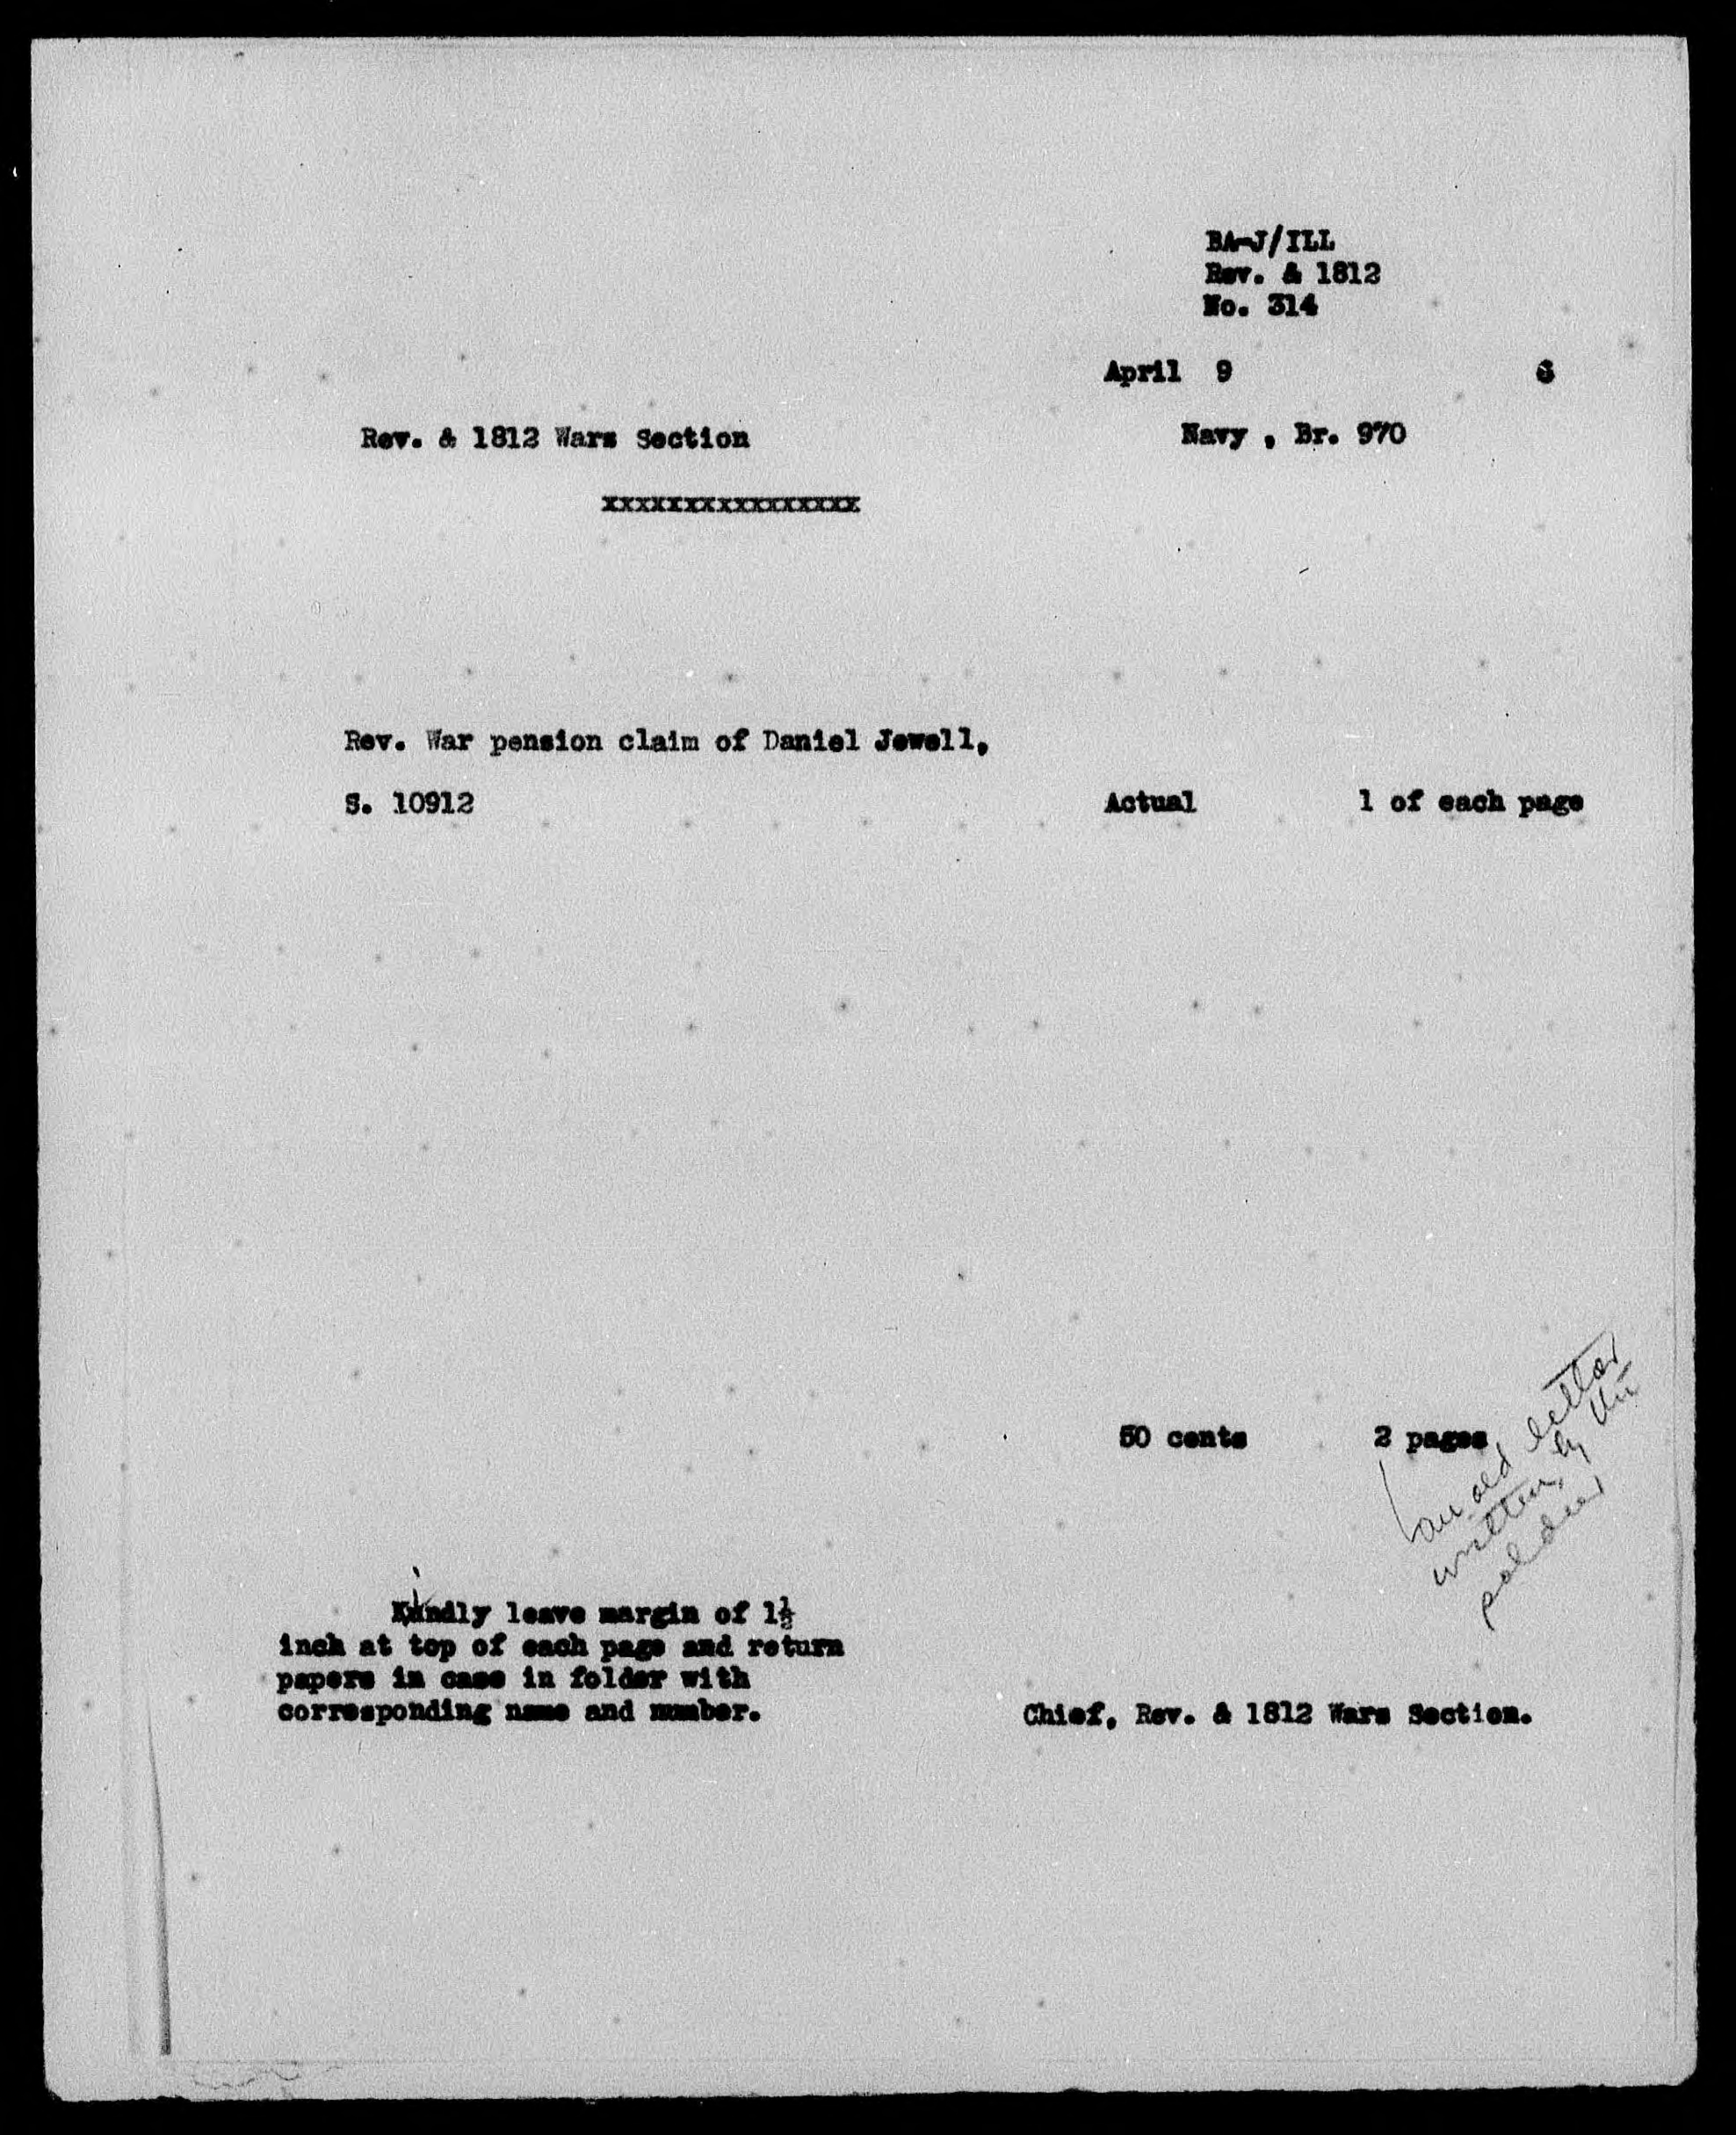BA-J/ILL
Rev. & 1812
No. 314
April 9
Rev. & 1812 Wars Section Navy, Br. 970

Rev. War pension claim of Daniel Jewell,
S. 10912 Actual 1 of each page
50 cents 2 pages [illegible] old letter written by the soldier
Kindly leave margin of 1 1/2 inch at top of each page and return papers in case in folder with corresponding name and number.

Chief, Rev. & 1812 Wars Section.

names: Daniel Jewell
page: 31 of 35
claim: survivor's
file: S. 10912, for Daniel Jewell, New Hampshire